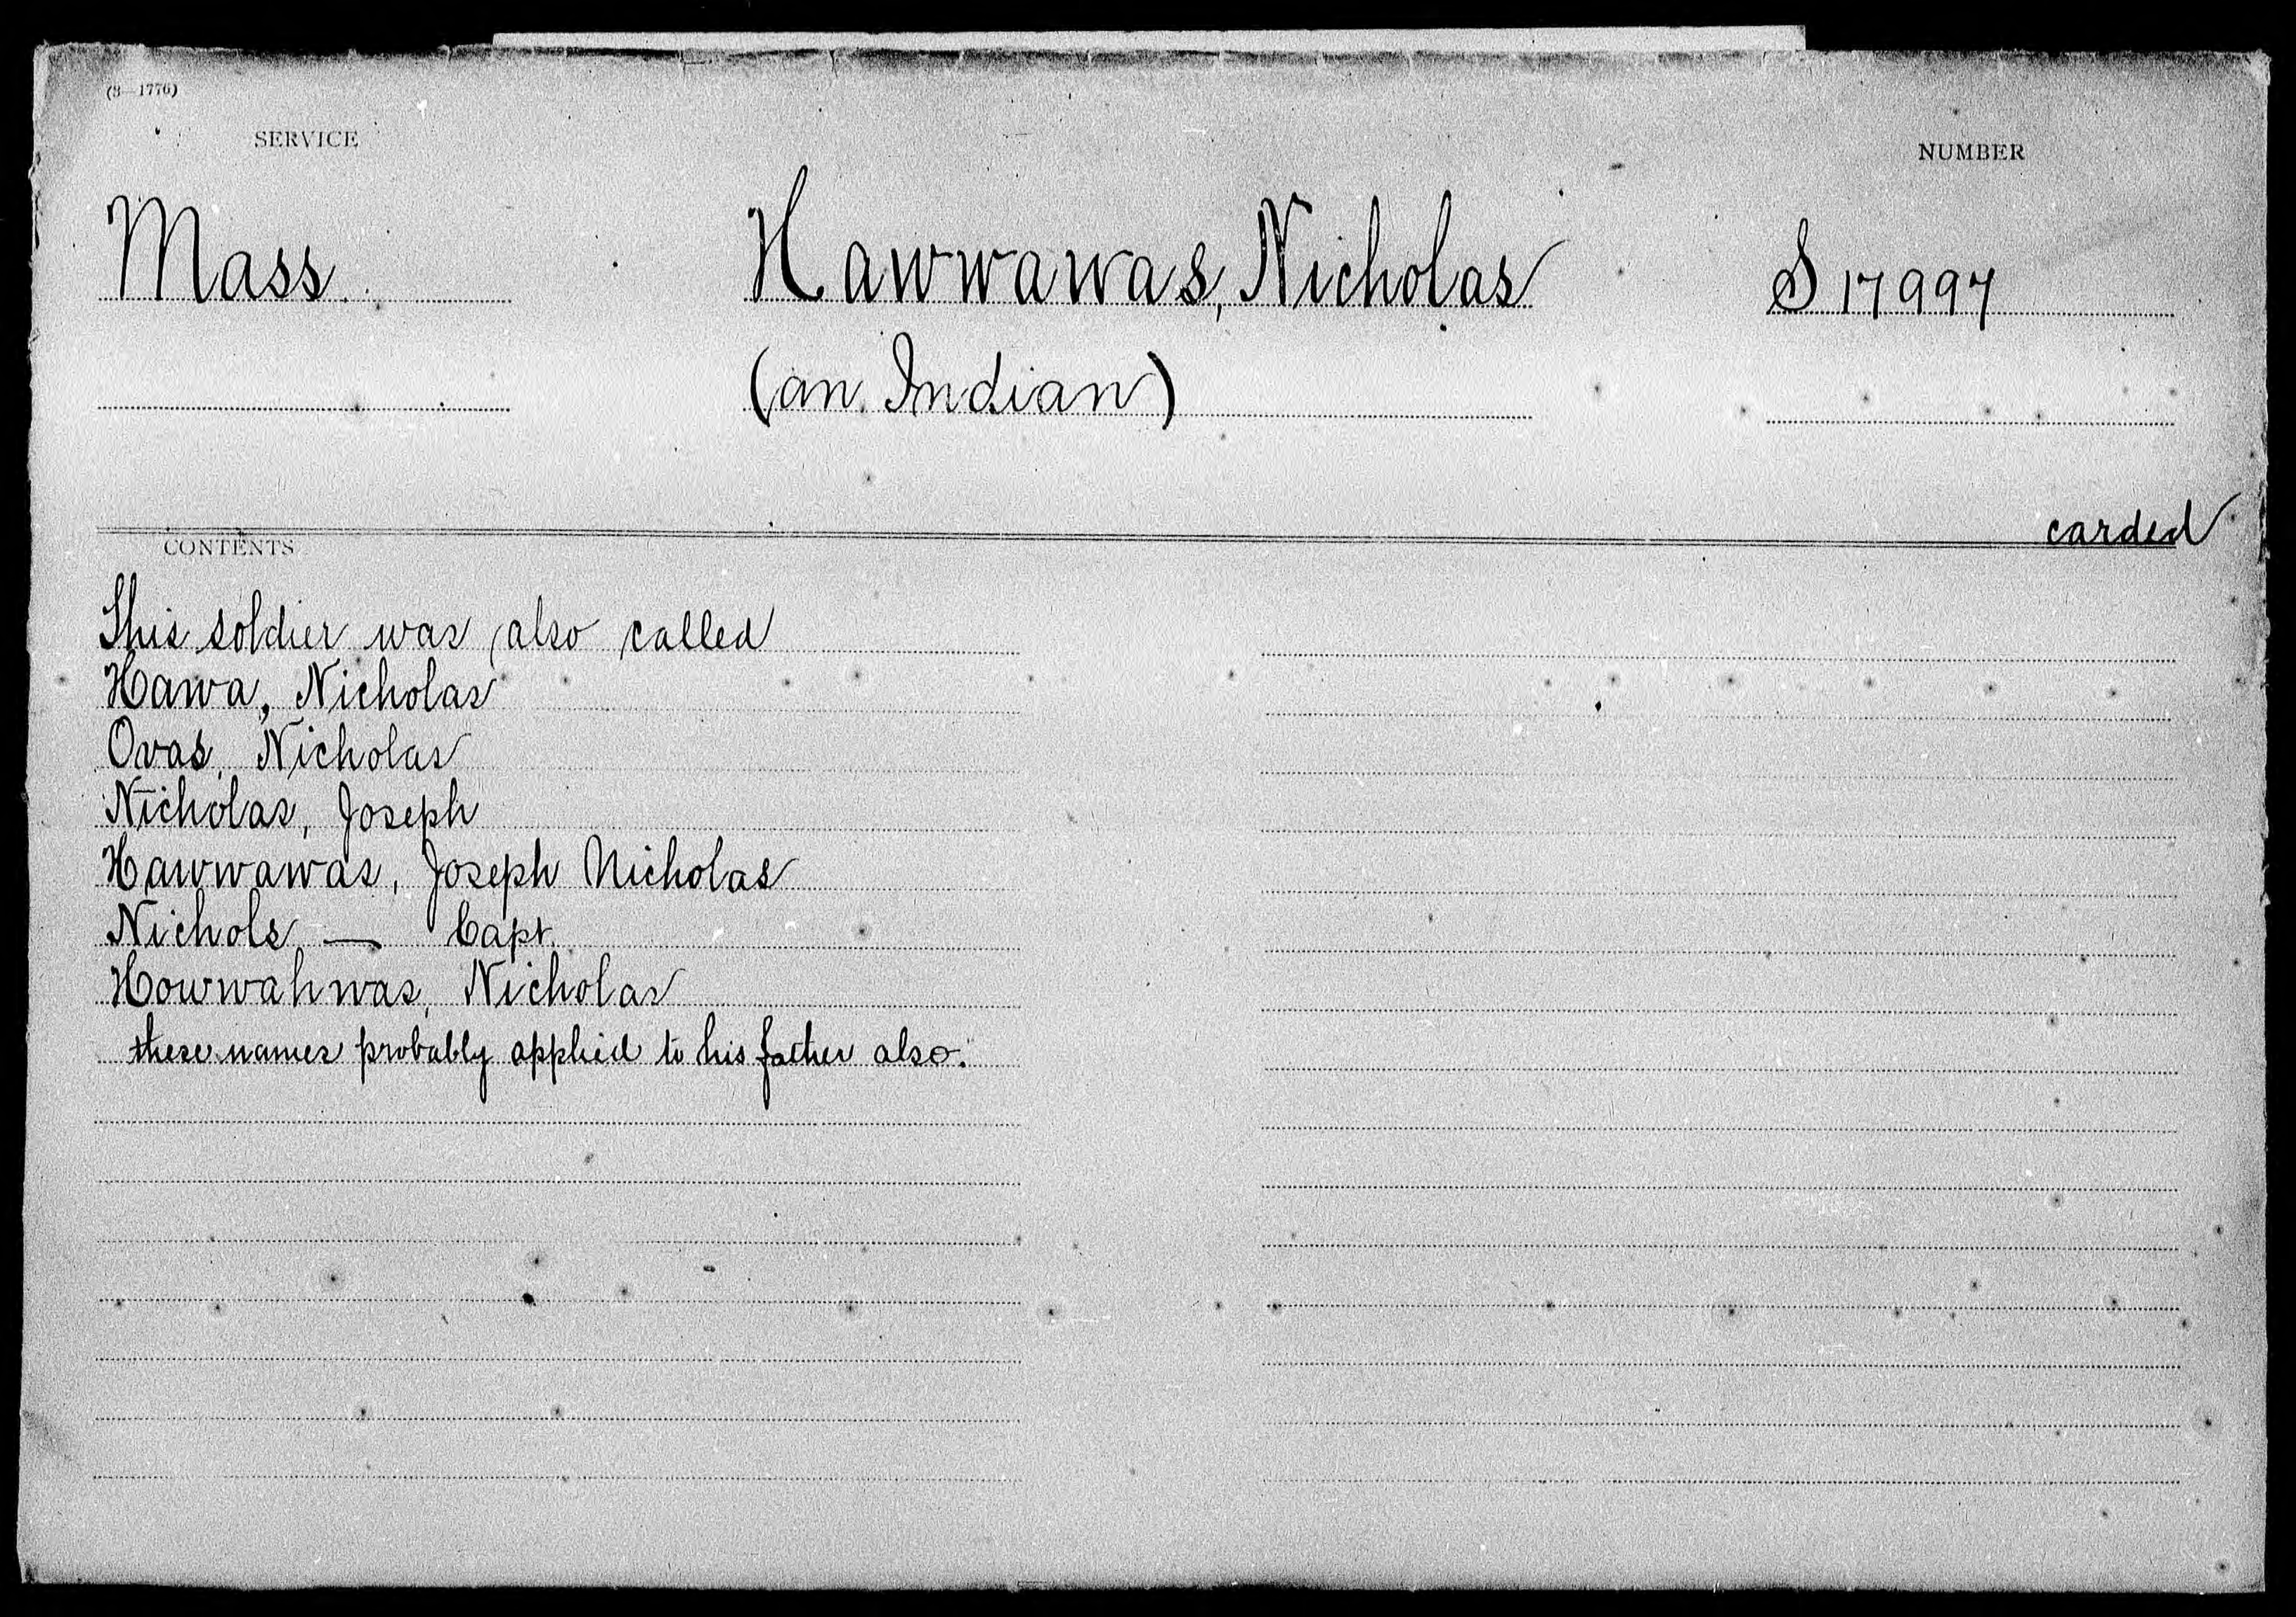(3-1776) 
SERVICE NUMBER 

Mass Hawwawas, Nicholas S 17997
(an Indian)
carded

CONTENTS
This soldier was also called
Hawa, Nicholas
Ovas, Nicholas
Nicholas, Joseph
Hawwawas, Joseph Nicholas
Nicholas - Capt.
Howwahwas, Nicholas
these names probably applied to his father also.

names: Nichols, Nicholas Ovas, Nicholas Hawa, Joseph Nicholas, Joseph Nicholas Hawwawas, Nicholas Howwahwas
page: 1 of 52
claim: survivor's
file: S 17997, Nicholas Hawwawas, Mass.